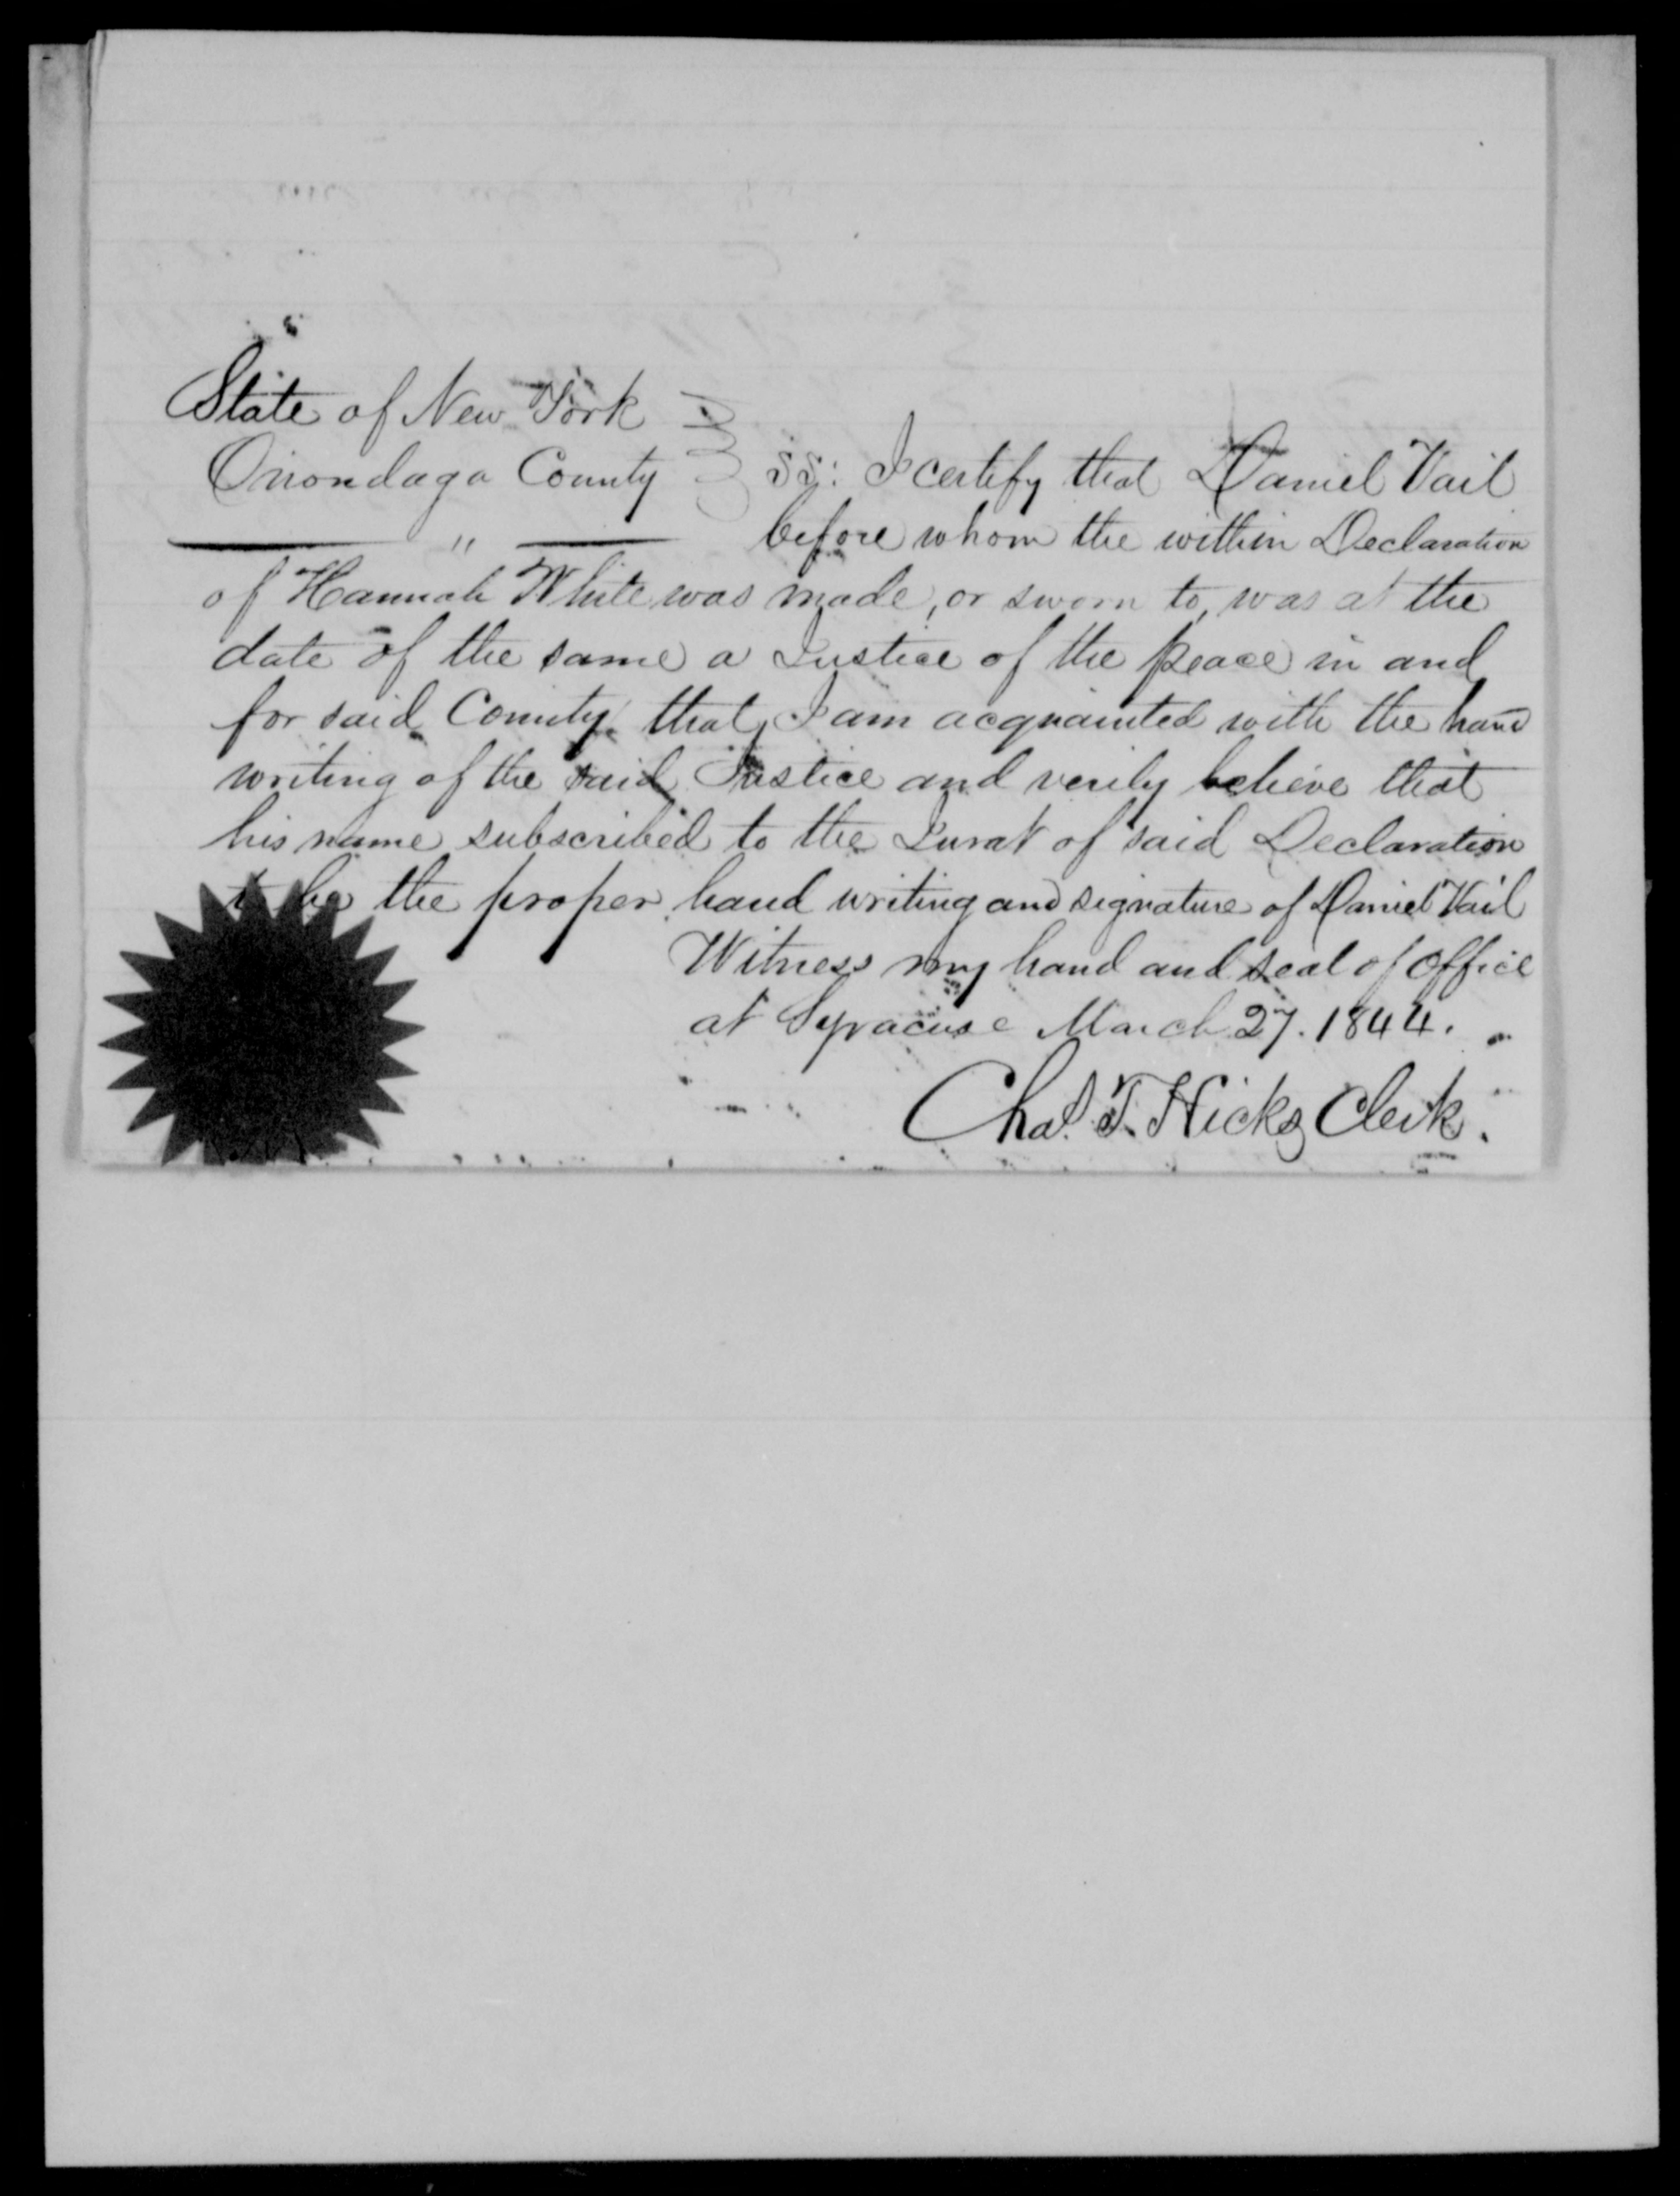State of New York Onondaga County)ss:

I certify that Daniel Vail------before whom the within Declaration of Hannah White was made, or sworn to, was at the date of the same a Justice of the peace in and for said County that I am acquainted with the hand writing of the said Justice and verily believe that his name subscribed to the Jurat of said Declaration to the proper hand writing and signature of Daniel Vail

Witness my hand and seal of office at Syracuse March 27, 1844.

Chas. T. Hicks, Clerk.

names: Daniel Vail, Chas T Hicks, Hannah White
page: 61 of 63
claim: widow's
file: W. 18403, David White, Conn.